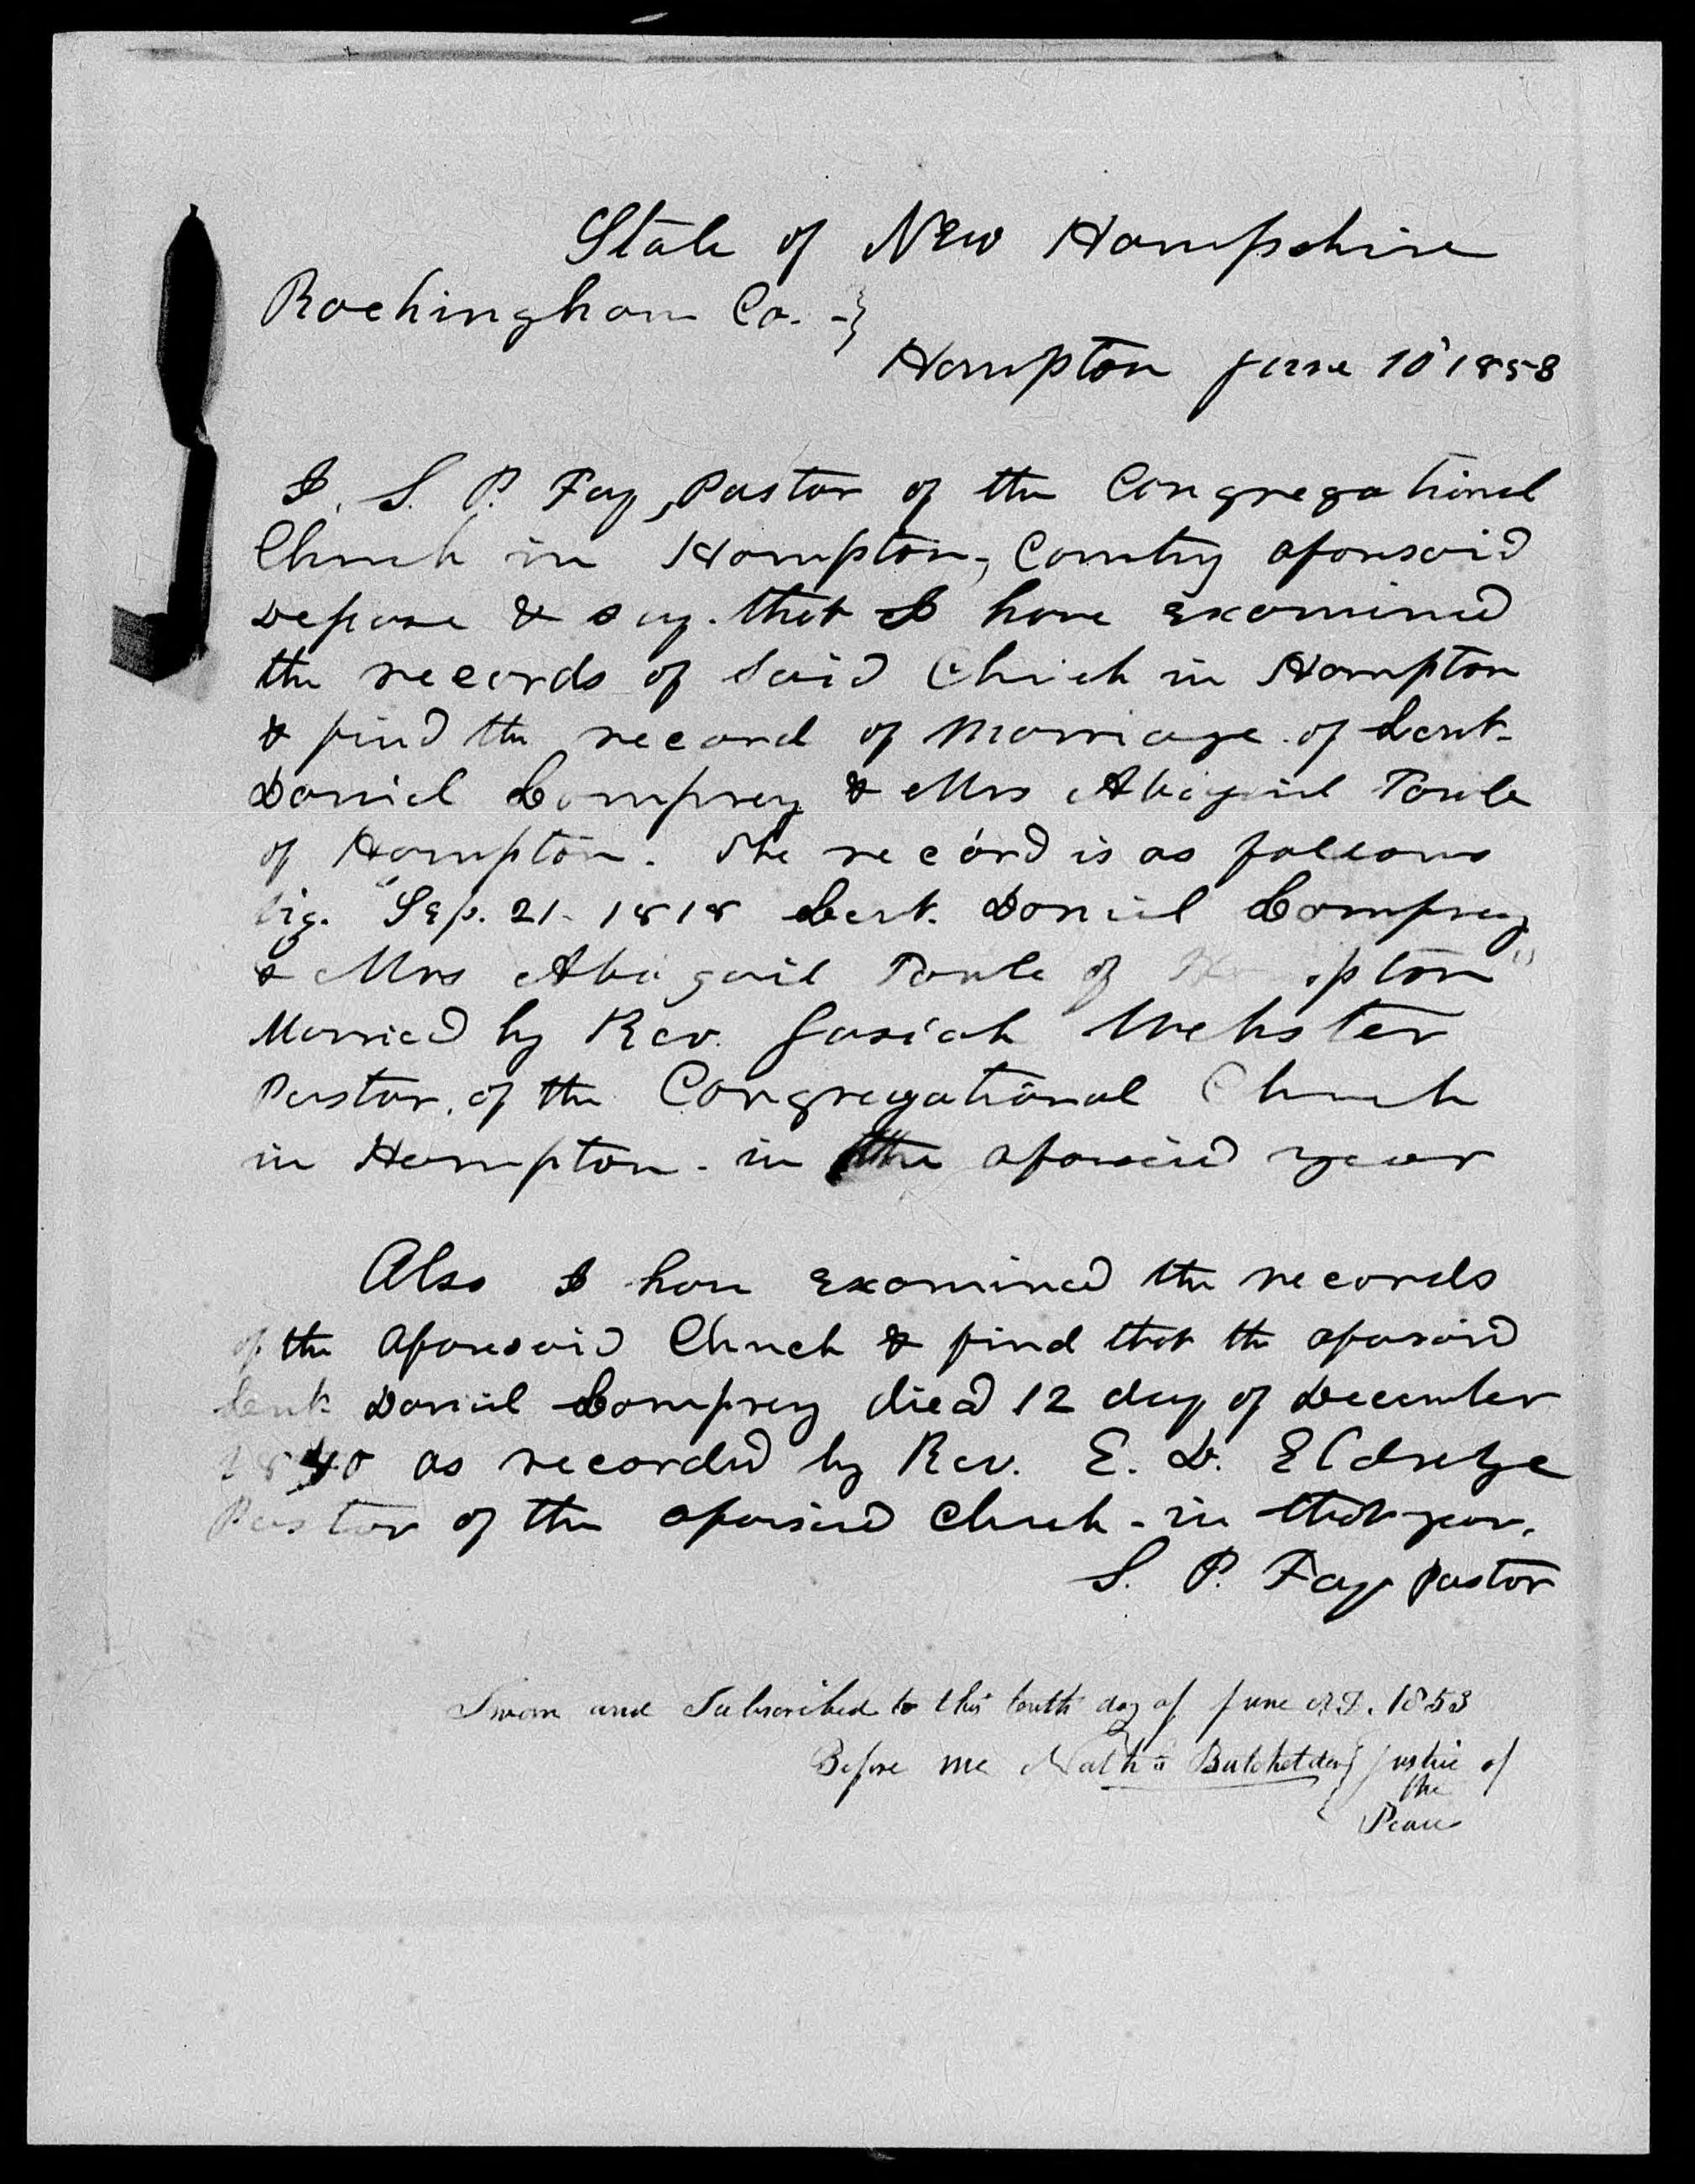State of New Hampshire
Rockingham Co}
Hampton June 10 1858
I, S. P. Fay Pastor of the Congregational
Church in Hampton, County aforesaid depose & say that I have examined the records of said Church in Hampton & find the record of Marriage of [illegible] Daniel Lamprey & Mrs Abigal Towle of Hampton. The record is as follows viz. Sep. 21, 1818 [illegible] Daniel Lamprey & Mrs Abigail Towle of Hampton married by Rev. Josiah Webster Pastor of the Congregational Church in Hampton in the aforesaid year
Also I have examined the records of the aforesaid Church & find that the aforesaid [illegible] Daniel Lamprey died 12 day of December 1840 as recorded by Rev. E. D. Eldrige Pastor of the aforesaid church in that year.
S P. Fay Pastor
Sworn and Subscribed to this tenth day of June A.D. 1853
Before me Nathl [NATHANIEL] Batchelder Justice of the Peace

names: E D Eldrege; Abigail Towle; Josiah Webster; S P Foy; Nathl Batchelder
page: 7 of 53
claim: widow's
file: W. 492, for Daniel Lamprey, New Hampshire